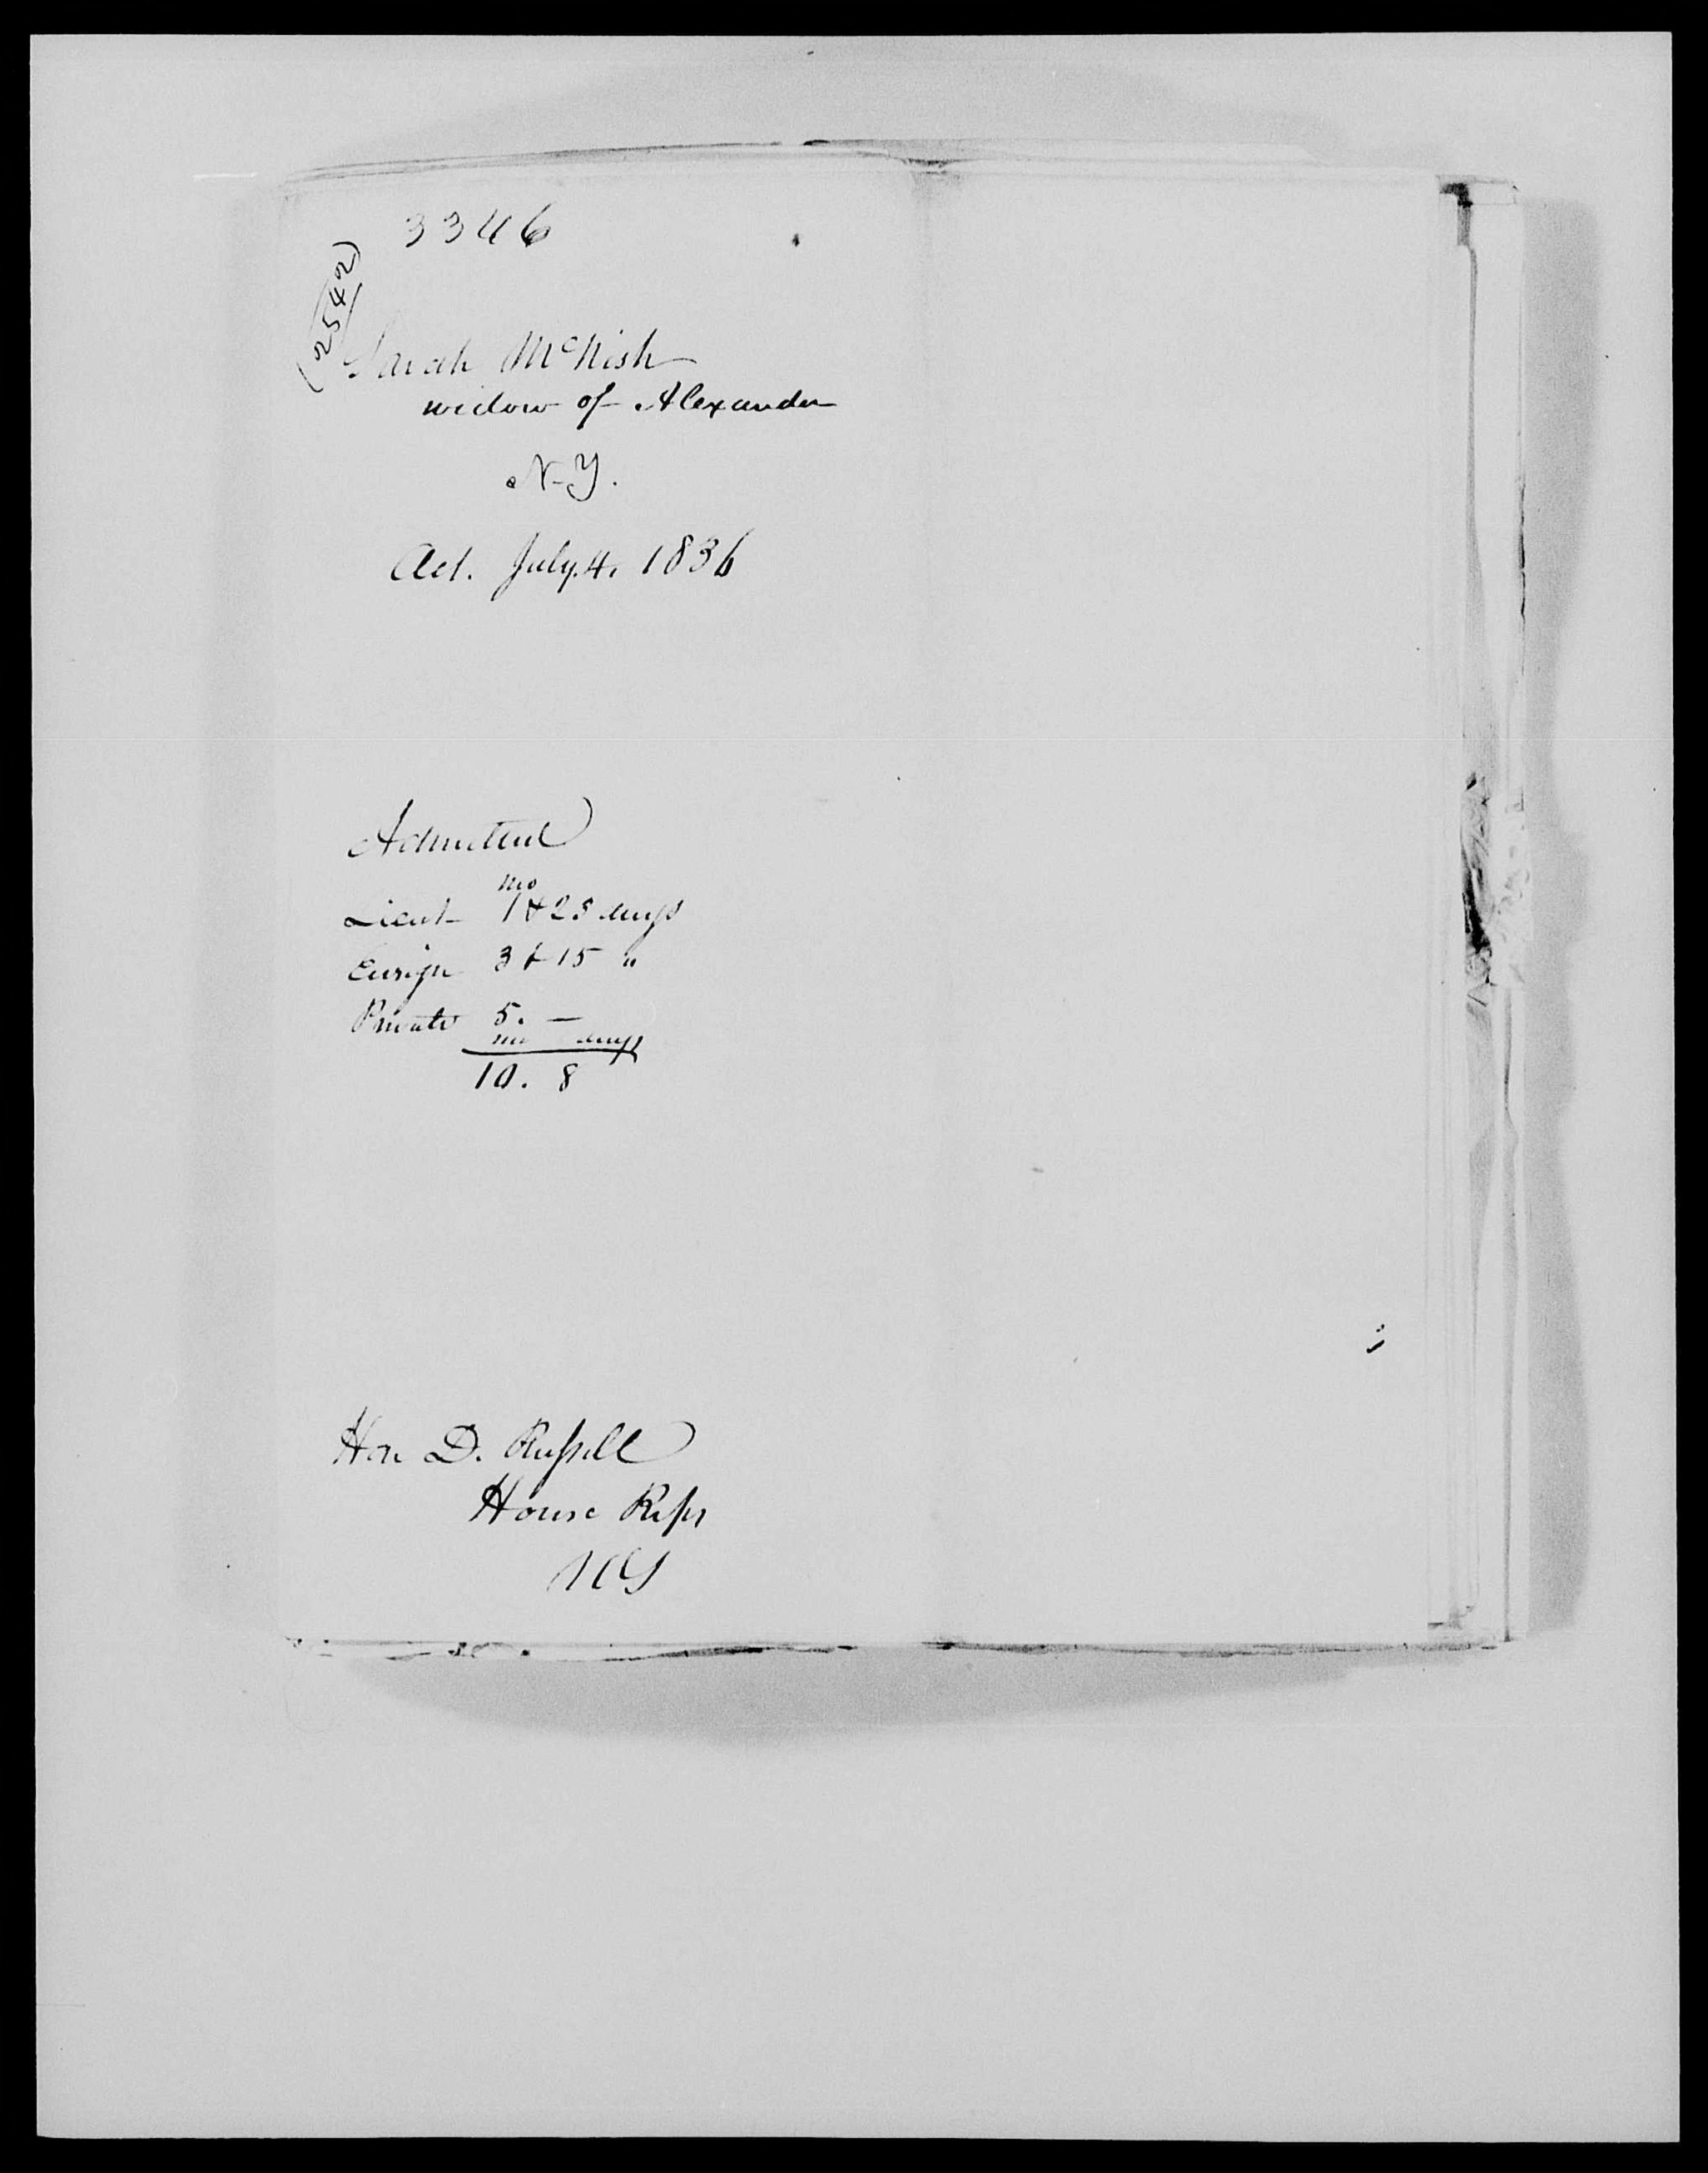(2541)

3346

Sarah McNish
widow of Alexander
NY

Act July 4, 1836

Admitted
Lieut mo 1 & 23 days
Ensign 3 & 15 "
Private 5.- 
mo      days
10         8

Hon. D Russell
House Reps
NY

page: 6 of 42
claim: widow's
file: W. 23,937 S. 28094, for Alexander Mc Nish, New York